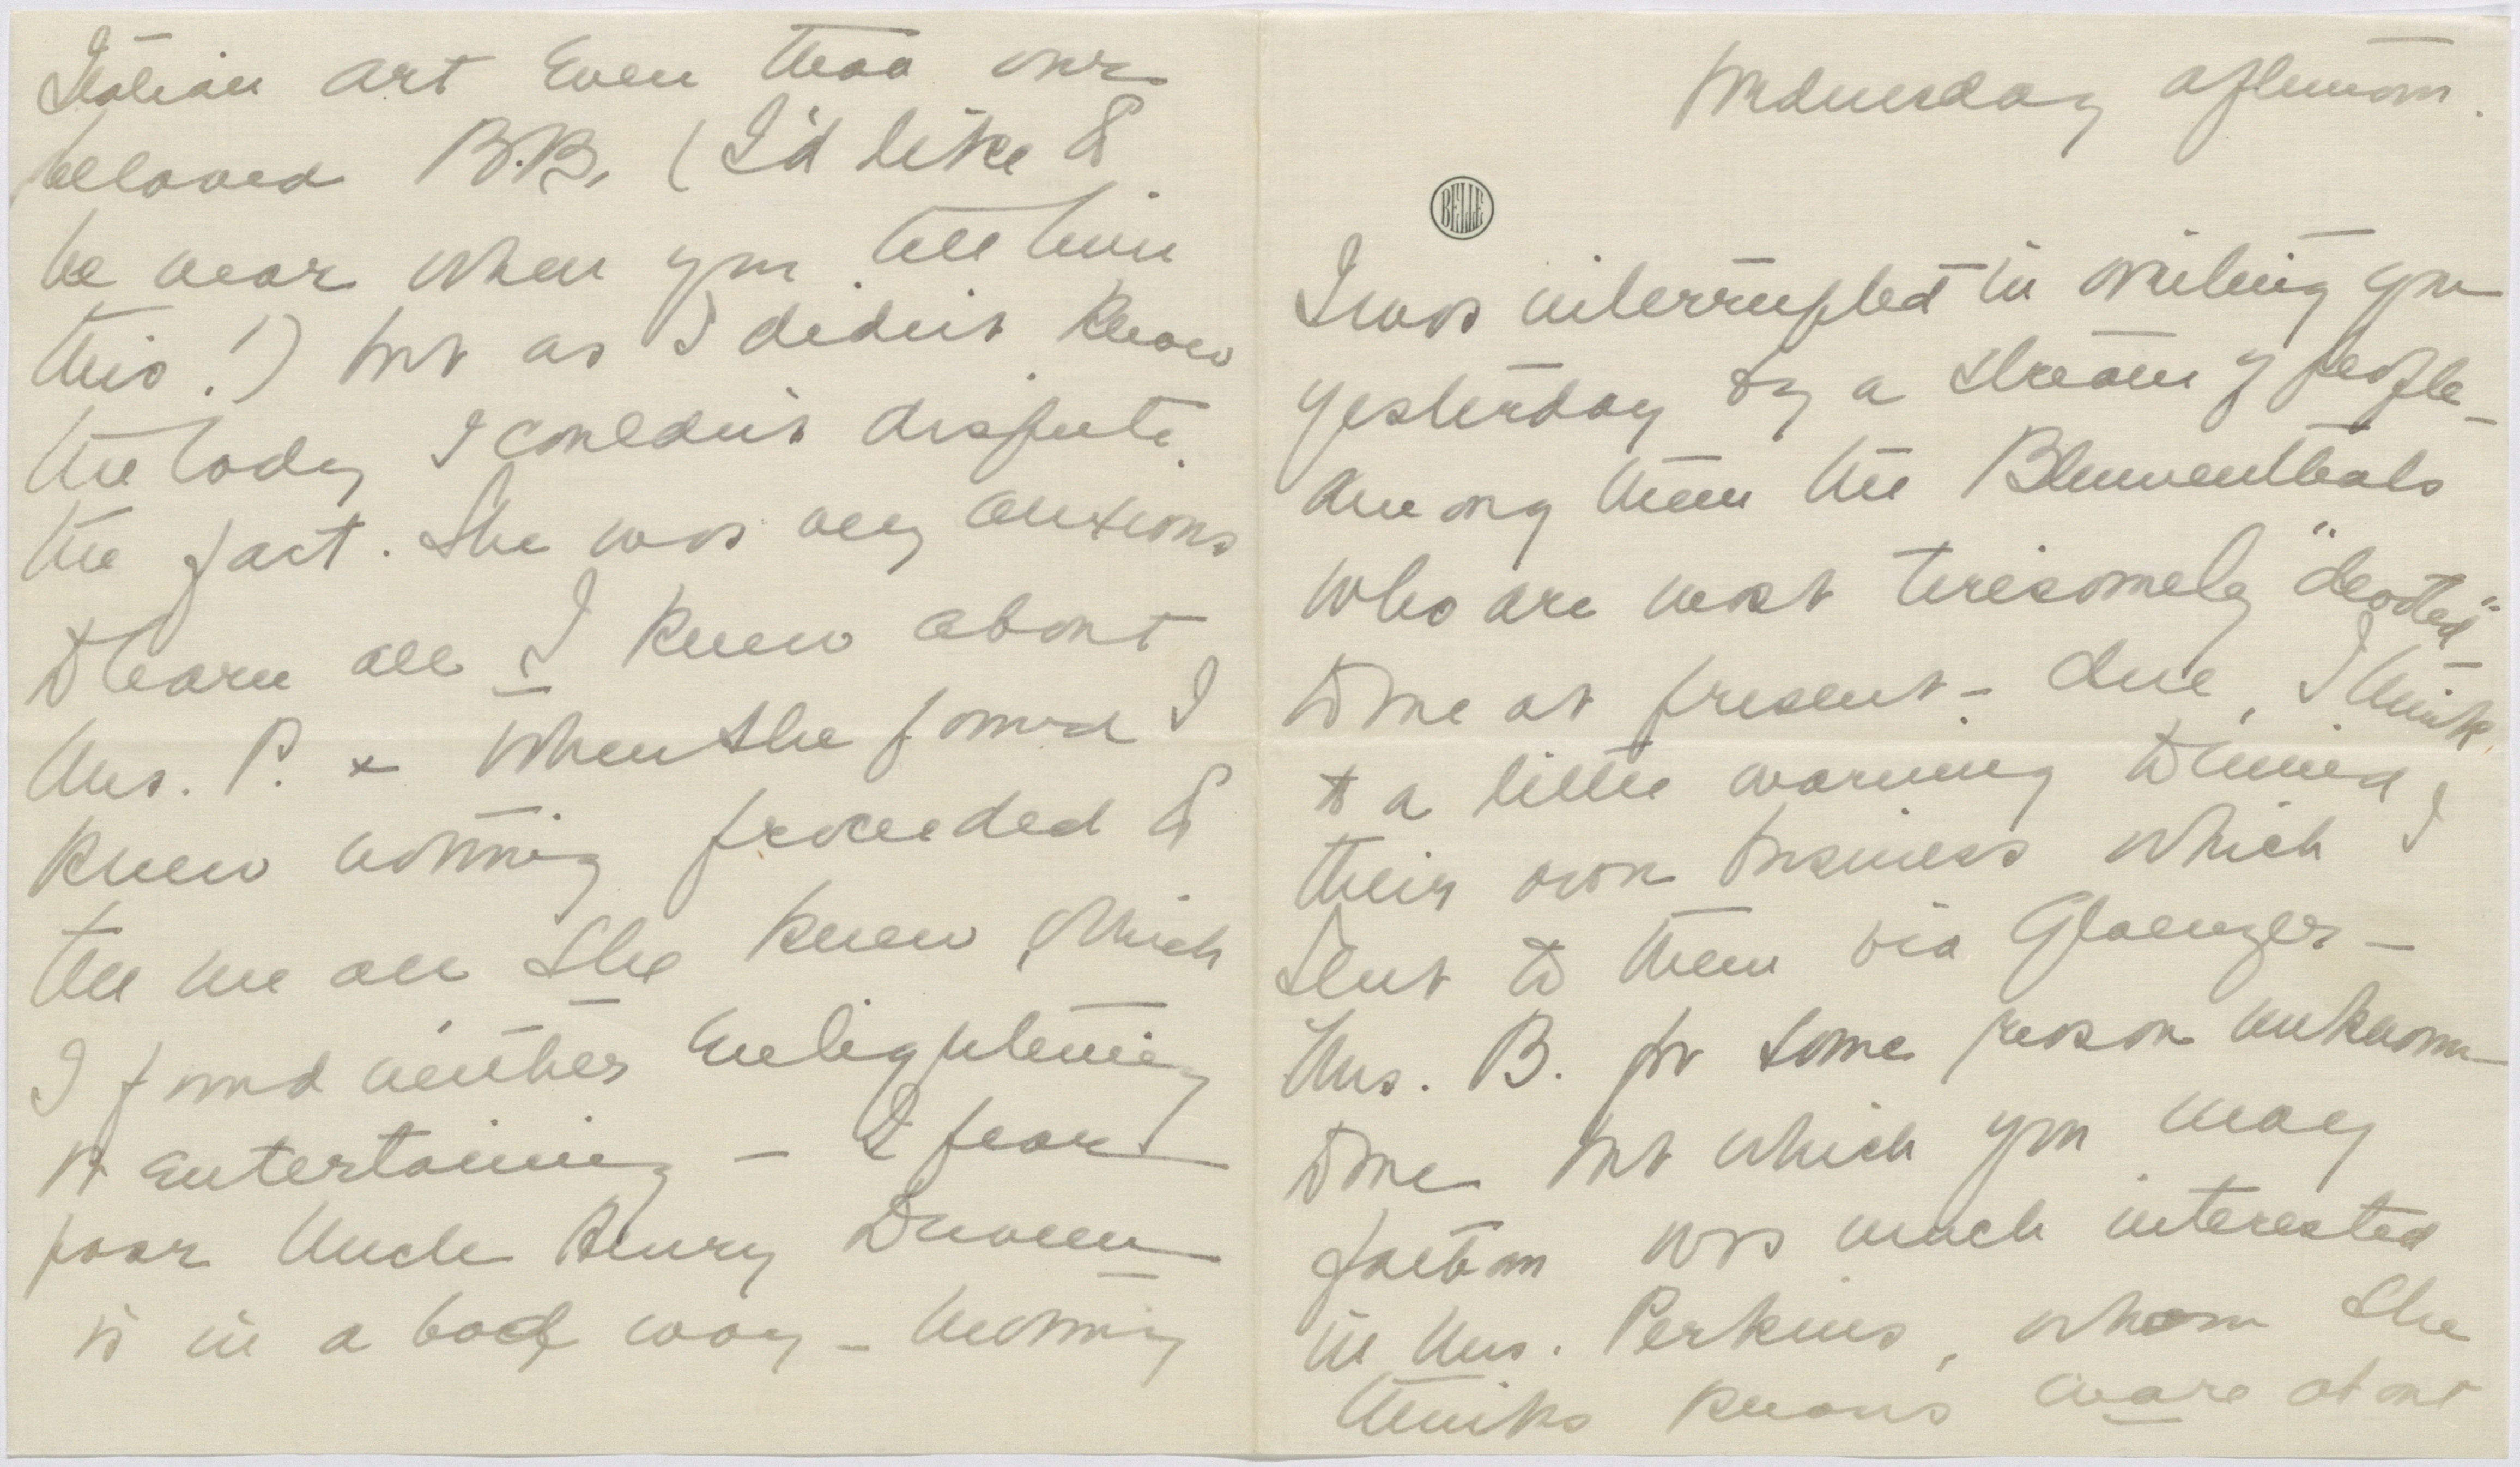Wednesday afternoon.
I was interrupted in writing you yesterday by a stream of people – among them the Blumenthals who are most tiresomely “devoted” to me at present – due, I think to a little warning to mind their own business which I sent to them via Glaenzer – Mrs. B for some reason unknown to me but which you may fathom was much interested in Mrs. Perkins, whom she thinks knows more about
Italian art even than our beloved B. B. (I’d like to be near when you tell him this!) but as I didn’t know the lady I couldn’t dispute the fact. She was very anxious to learn all I knew about Mrs. P. & when she found I knew nothing proceeded to tell me all she knew, which I found neither enlightening or entertaining – I fear poor Uncle Henry Duveen is in a bad way – Nothing